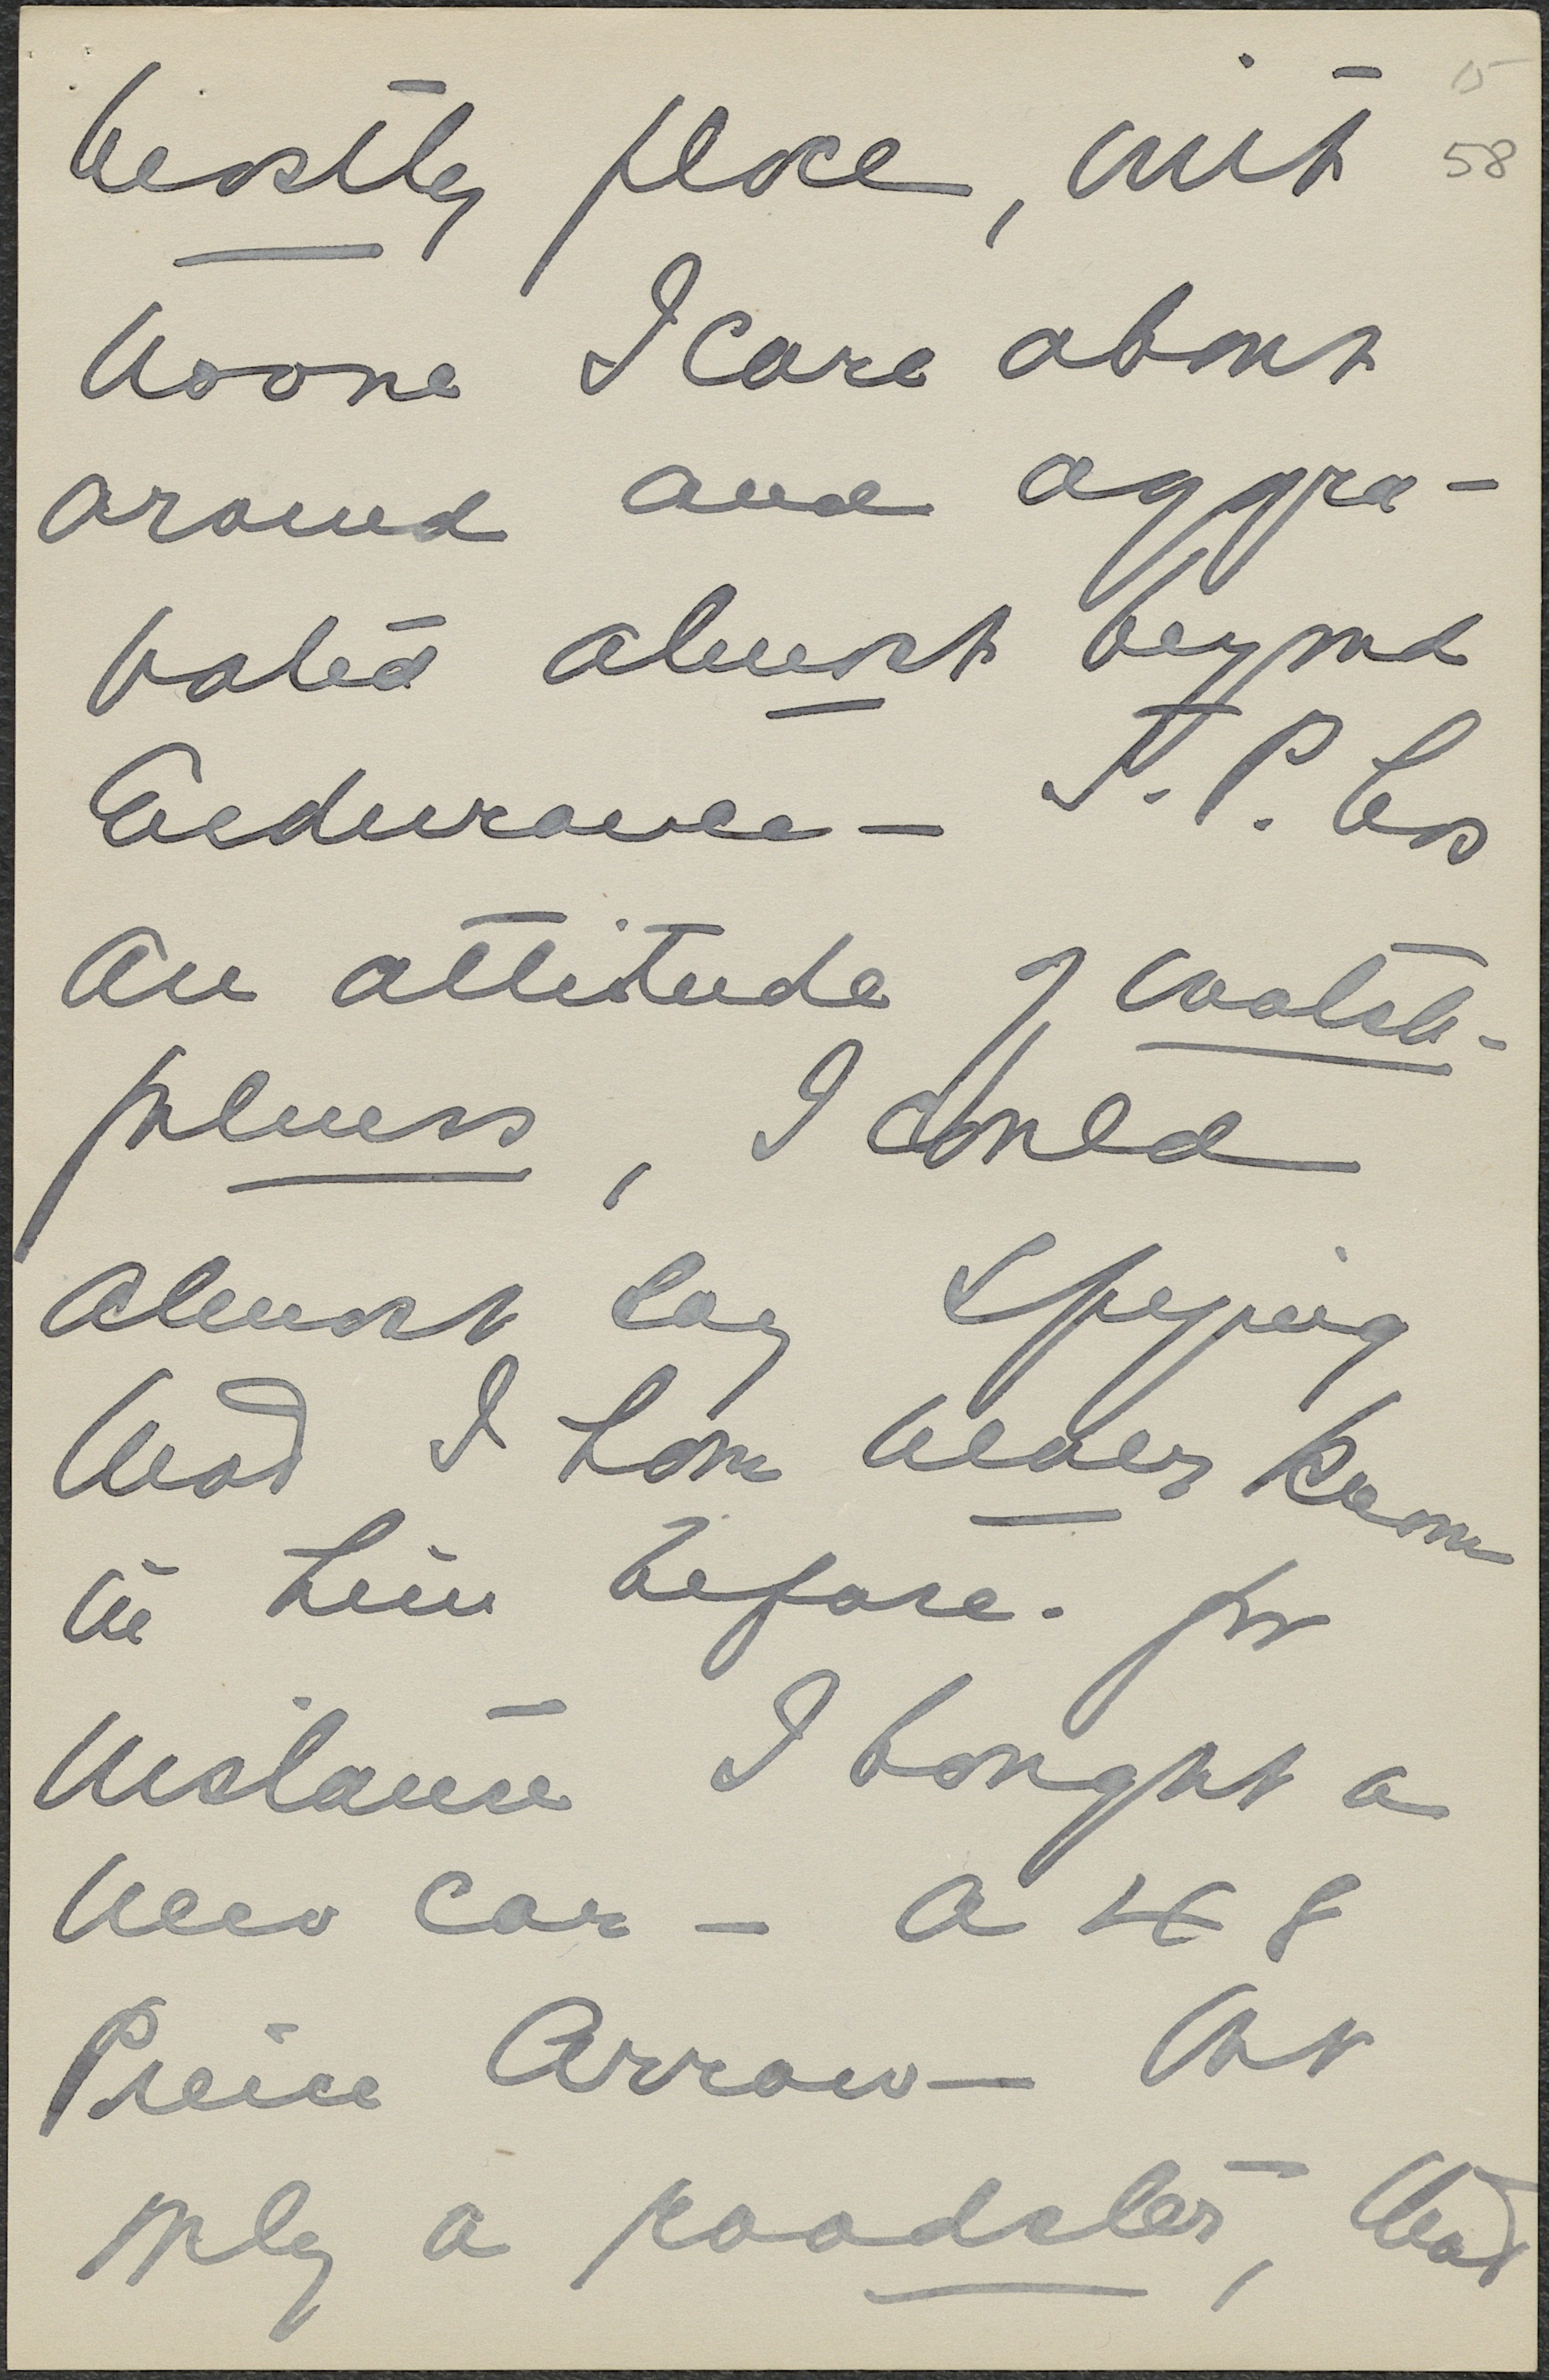beastly place, with noone I care about around and aggravated almost beyond endurance – J. P. has an attitude of watchfulness, I could almost say spying that I have never known in him before. for instance I bought a new car – a 48 Pierce Arrow – but only a roadster, that